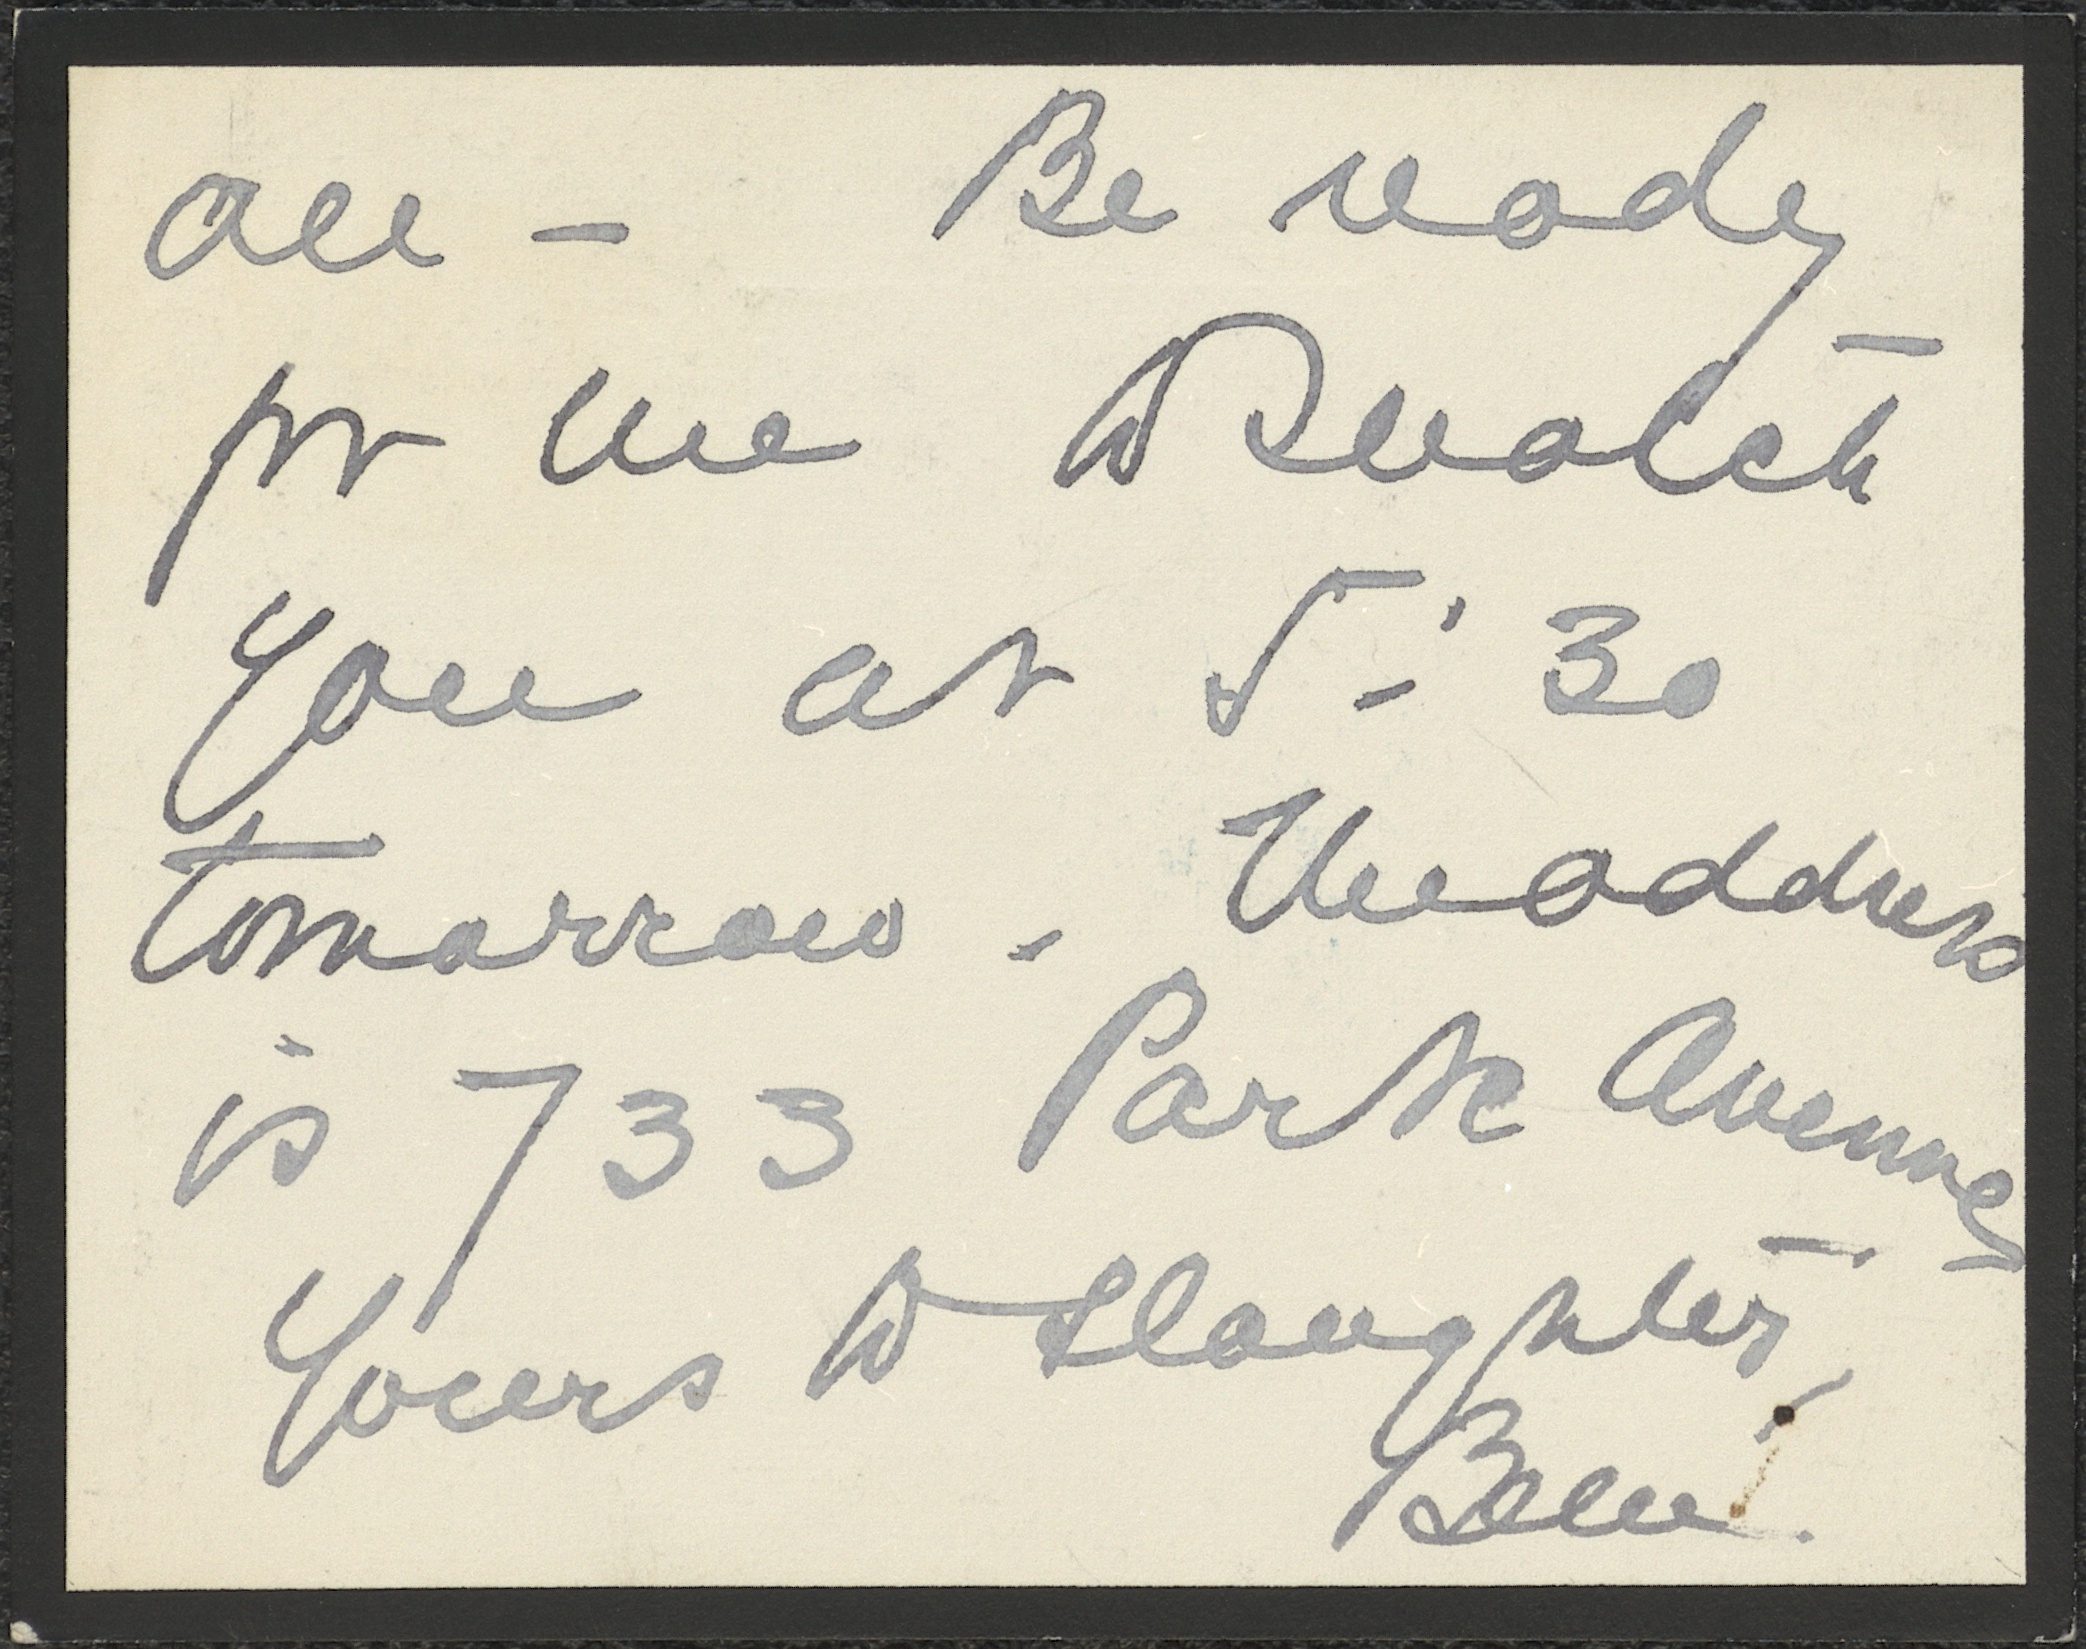all – Be ready for me to snatch you at 5:30 tomorrow. The address is 733 Park Avenue –
Yours to slaughter,
Belle